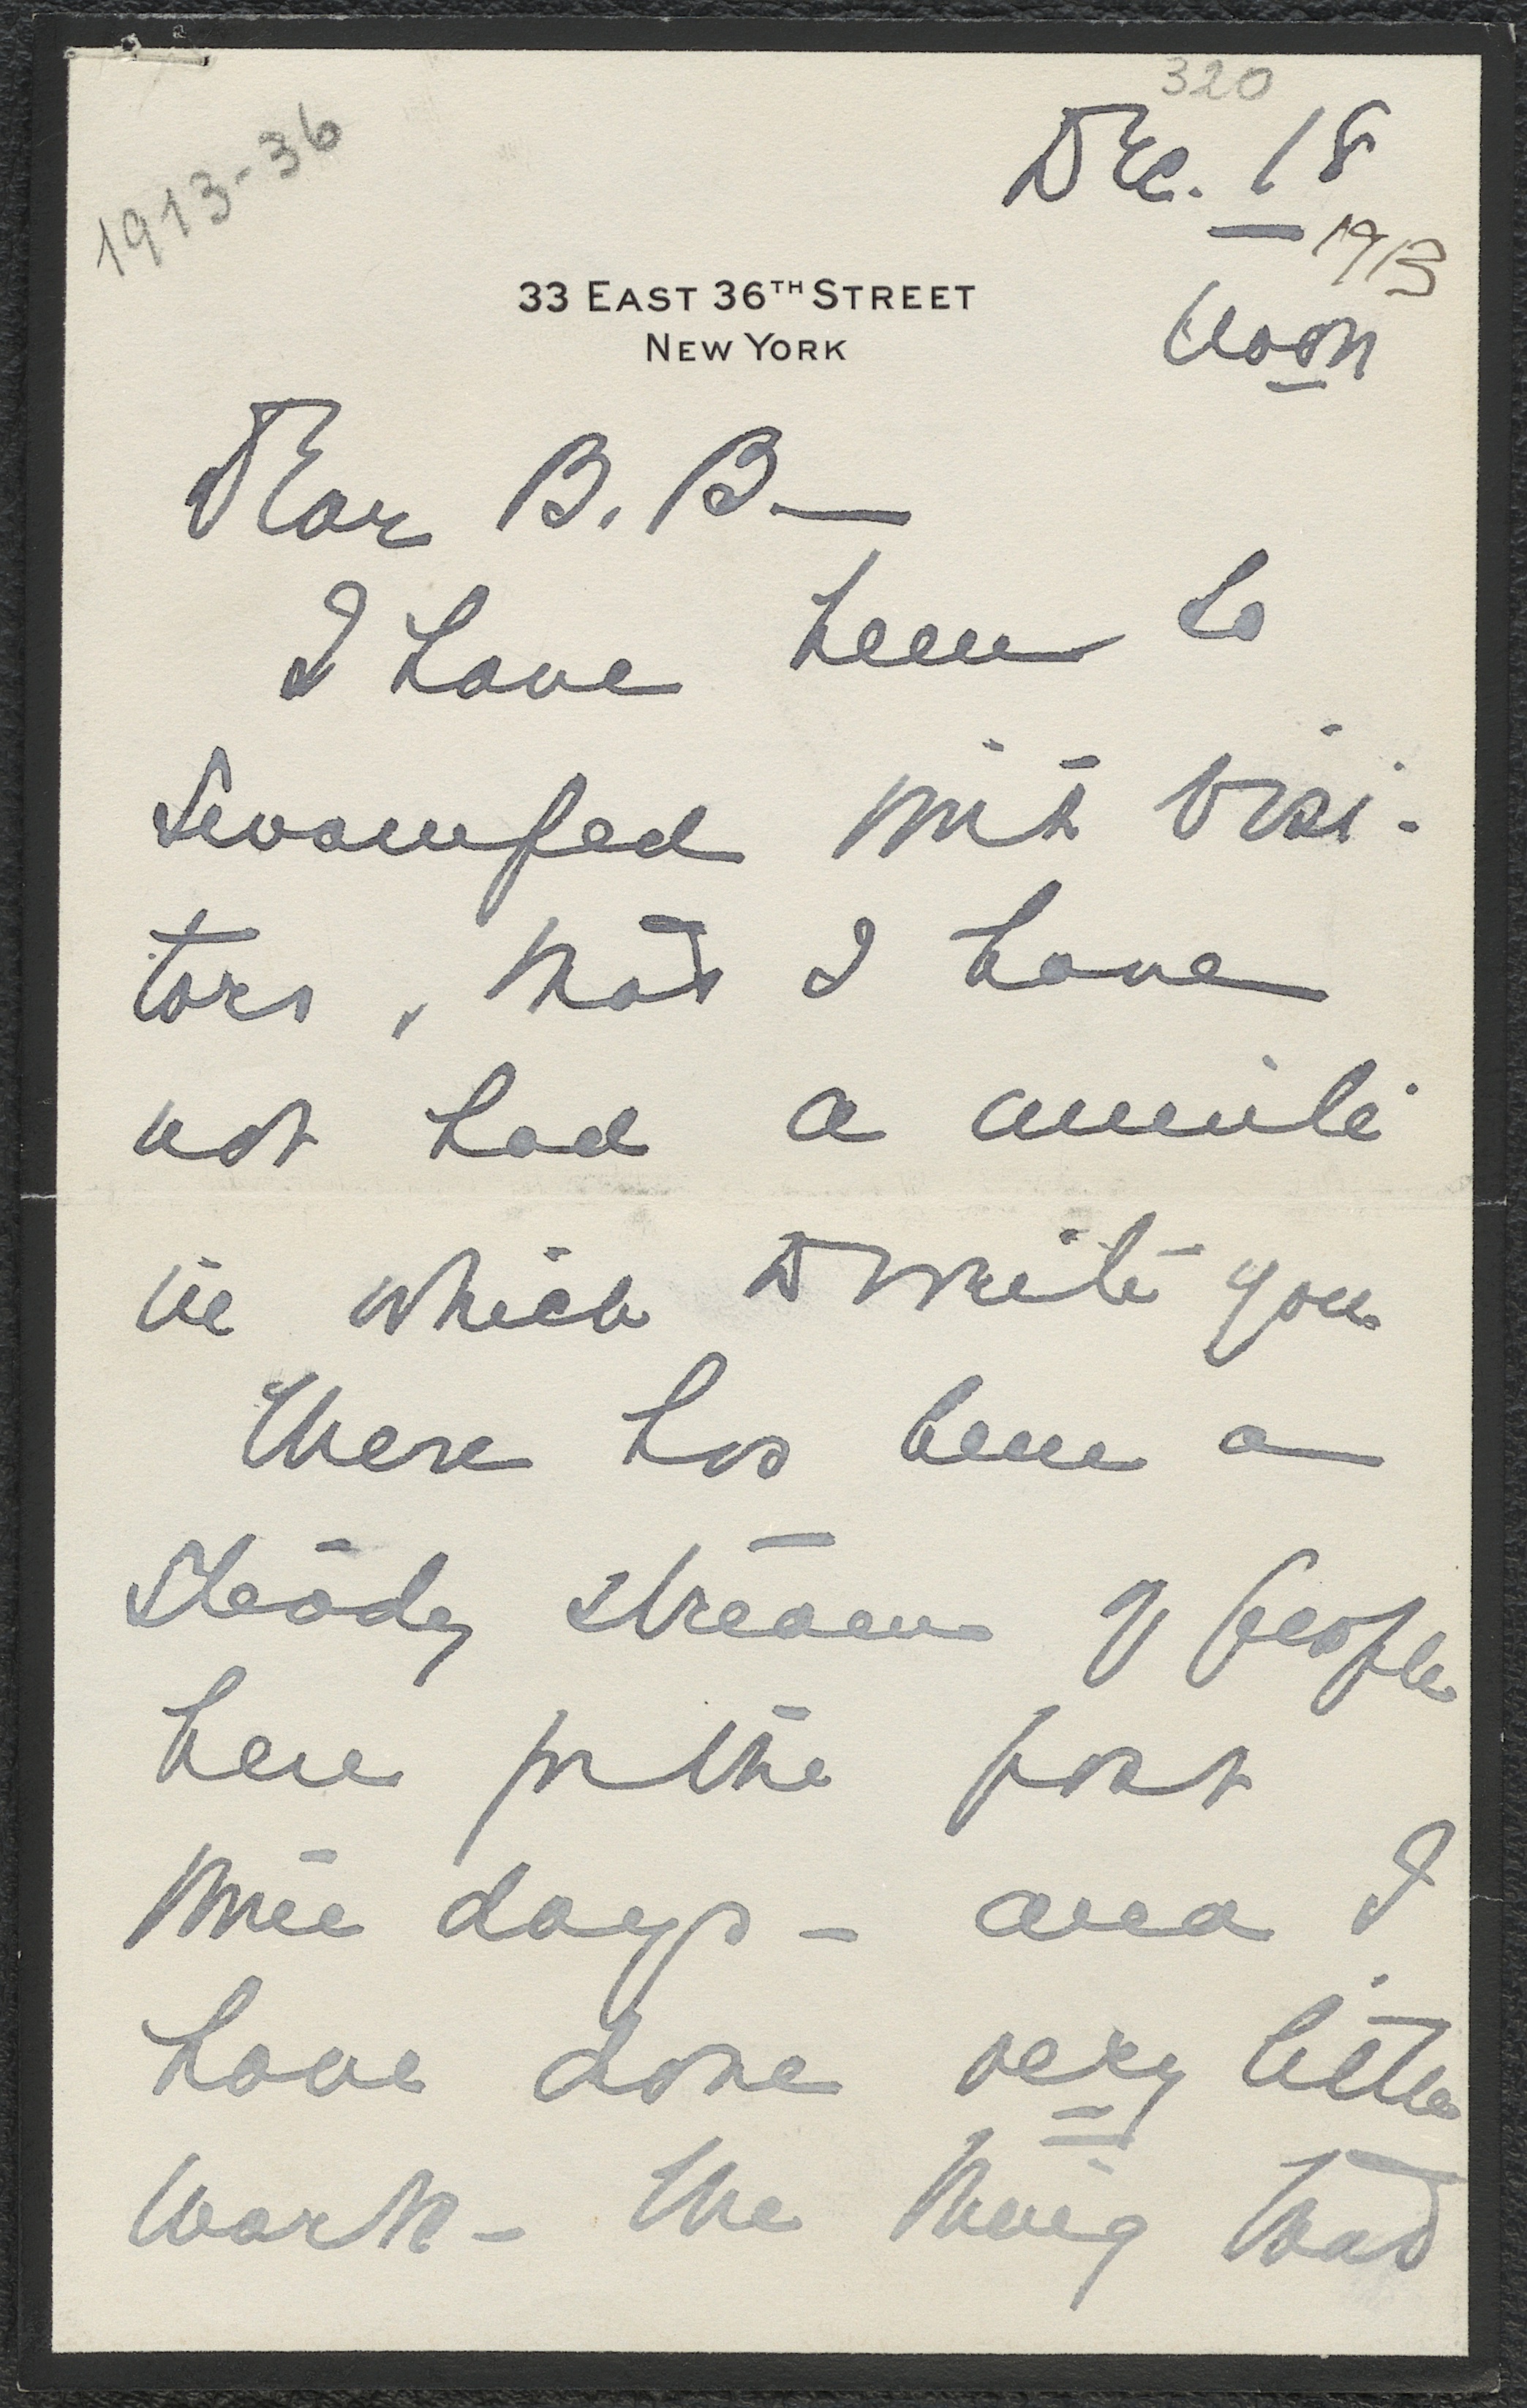Dec. 18
noon
Dear B. B. –
I have been so swamped with visitors, that I have not had a minute in which to write you
There has been a steady stream of people here for the past three days – and I have done very little work – The thing that